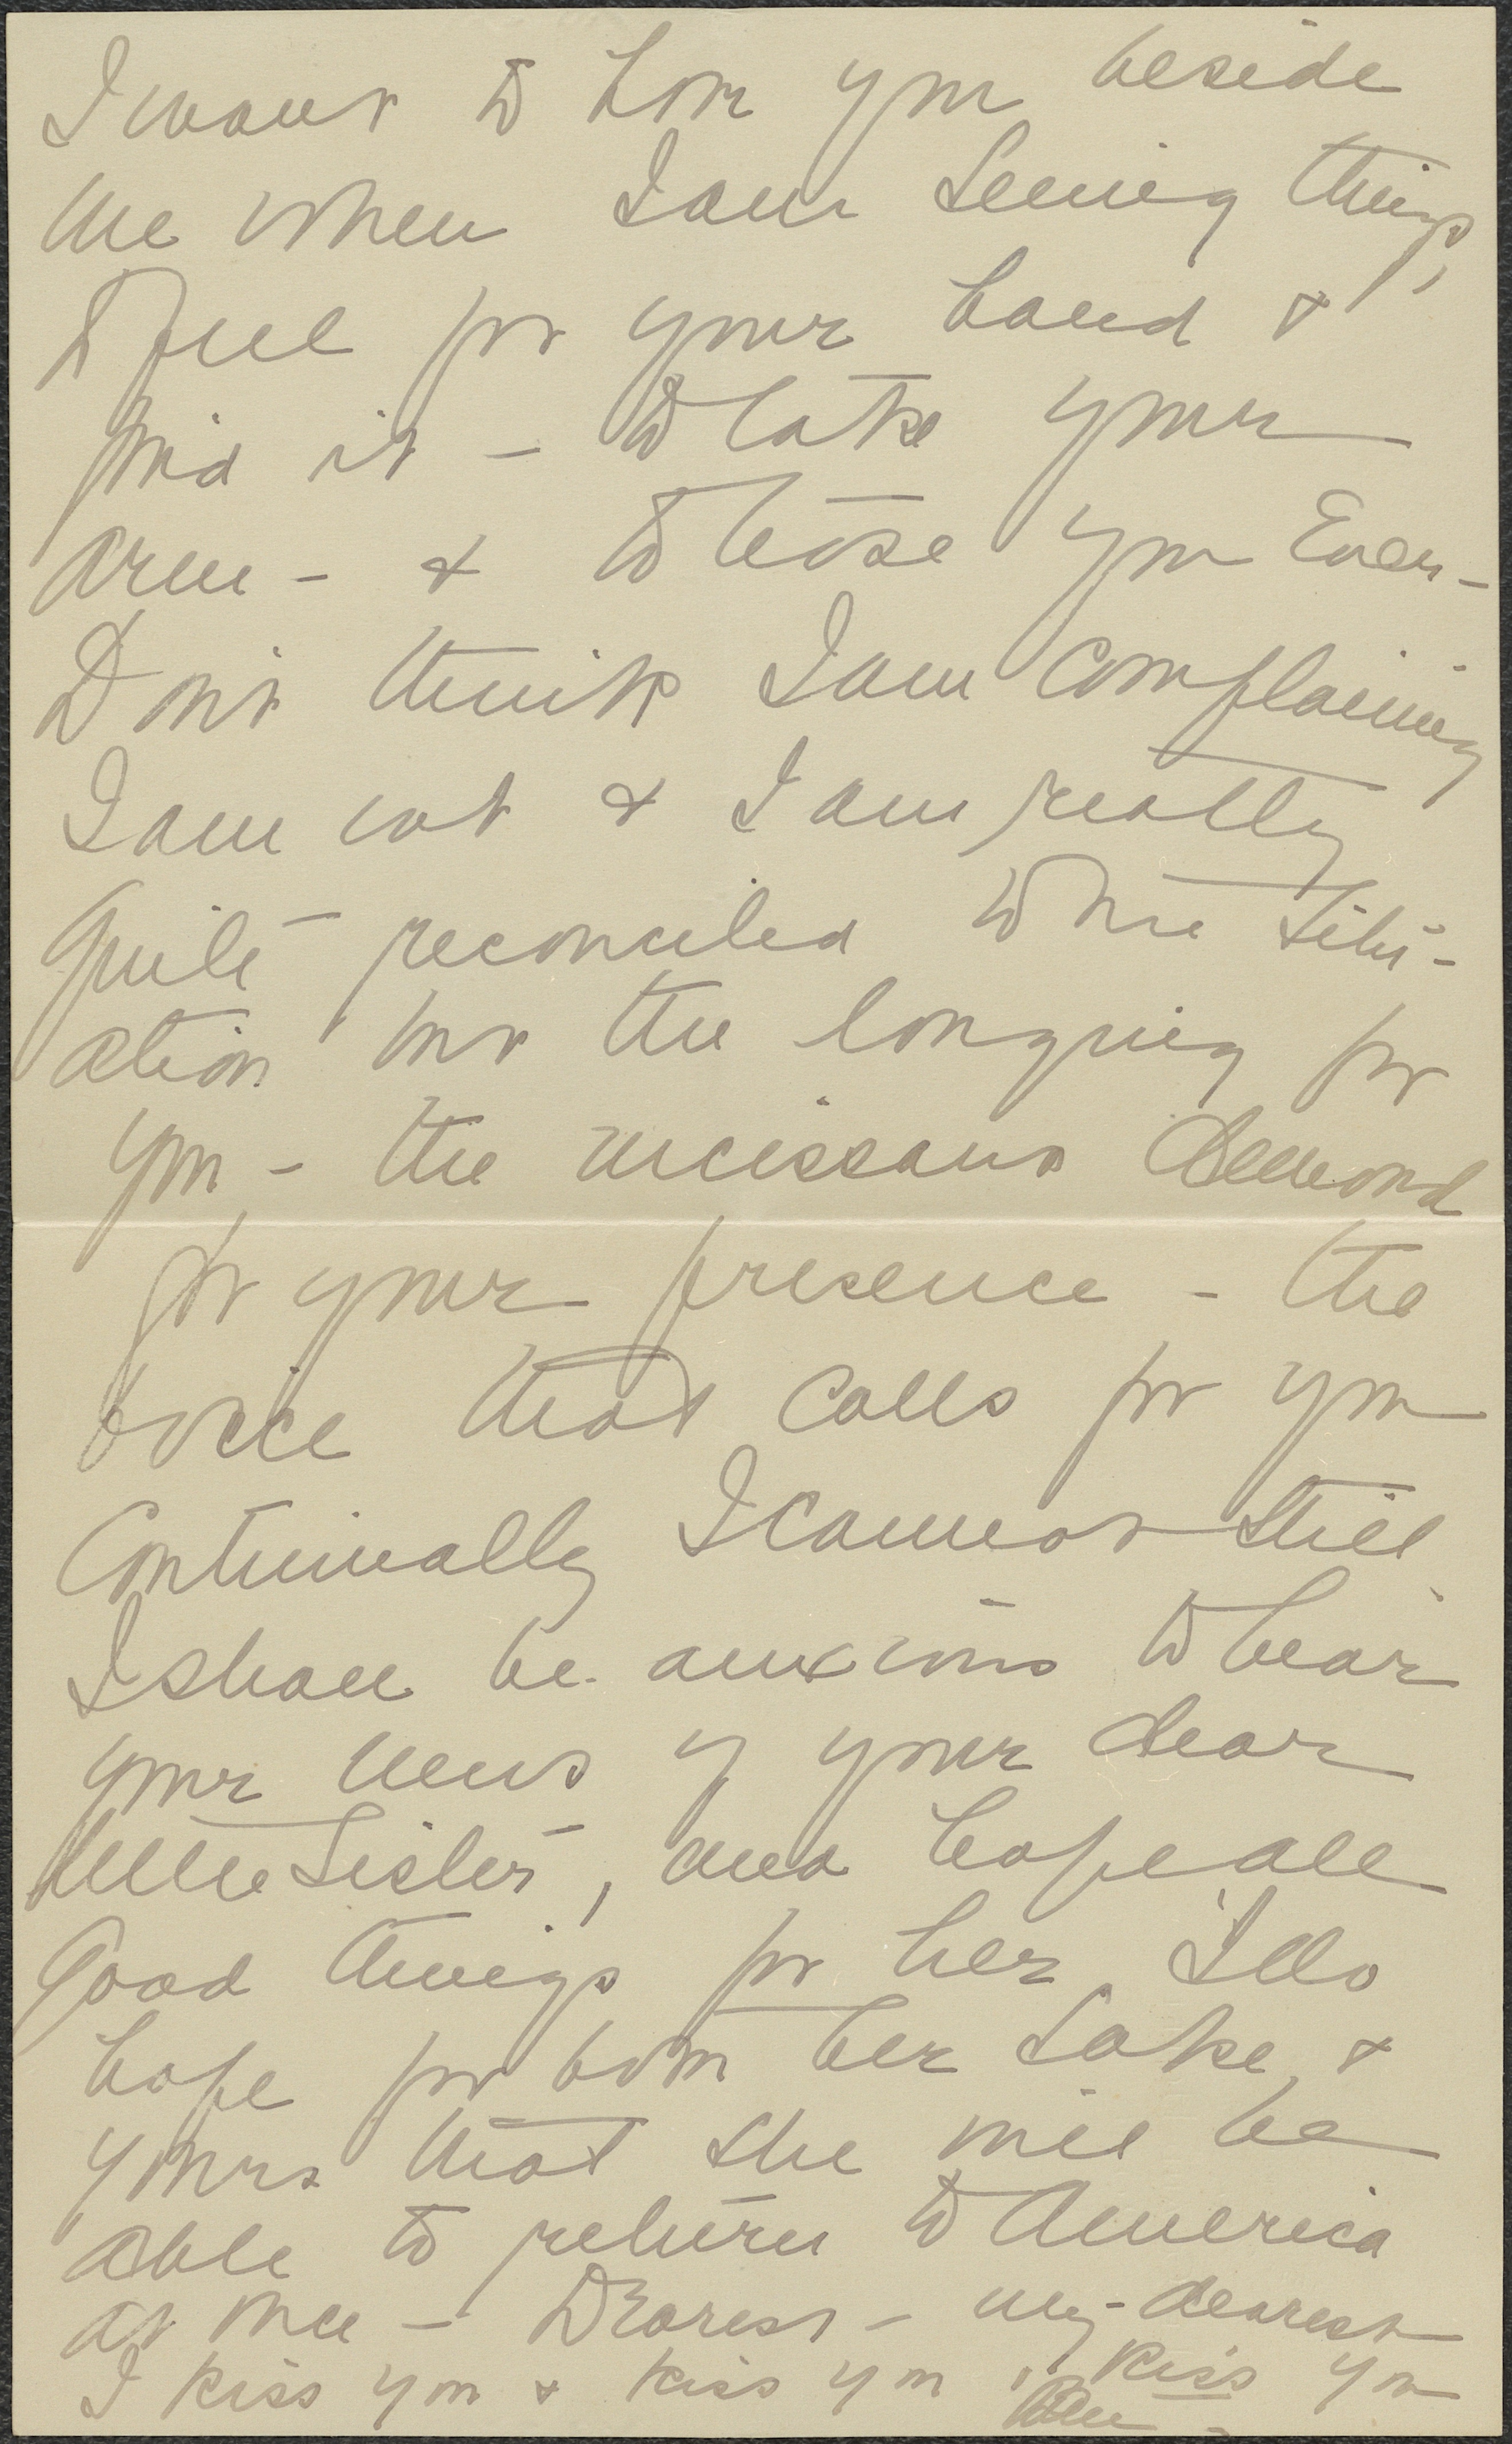I want to have you beside me when I am seeing things, to feel for your hand & find it – to take your arm – & to tease you ever – Don’t think I am complaining I am not & I am really quite reconciled to the situation but the longing for you – the incessant demand for your presence – the voice that calls for you continually I cannot still.
I shall be anxious to hear your news of your little Sister, and hope all good things for her. I do hope for both her sake & yours that she will be able to return to America at once – Dearest – my-dearest I kiss you & kiss you & kiss you
Belle.